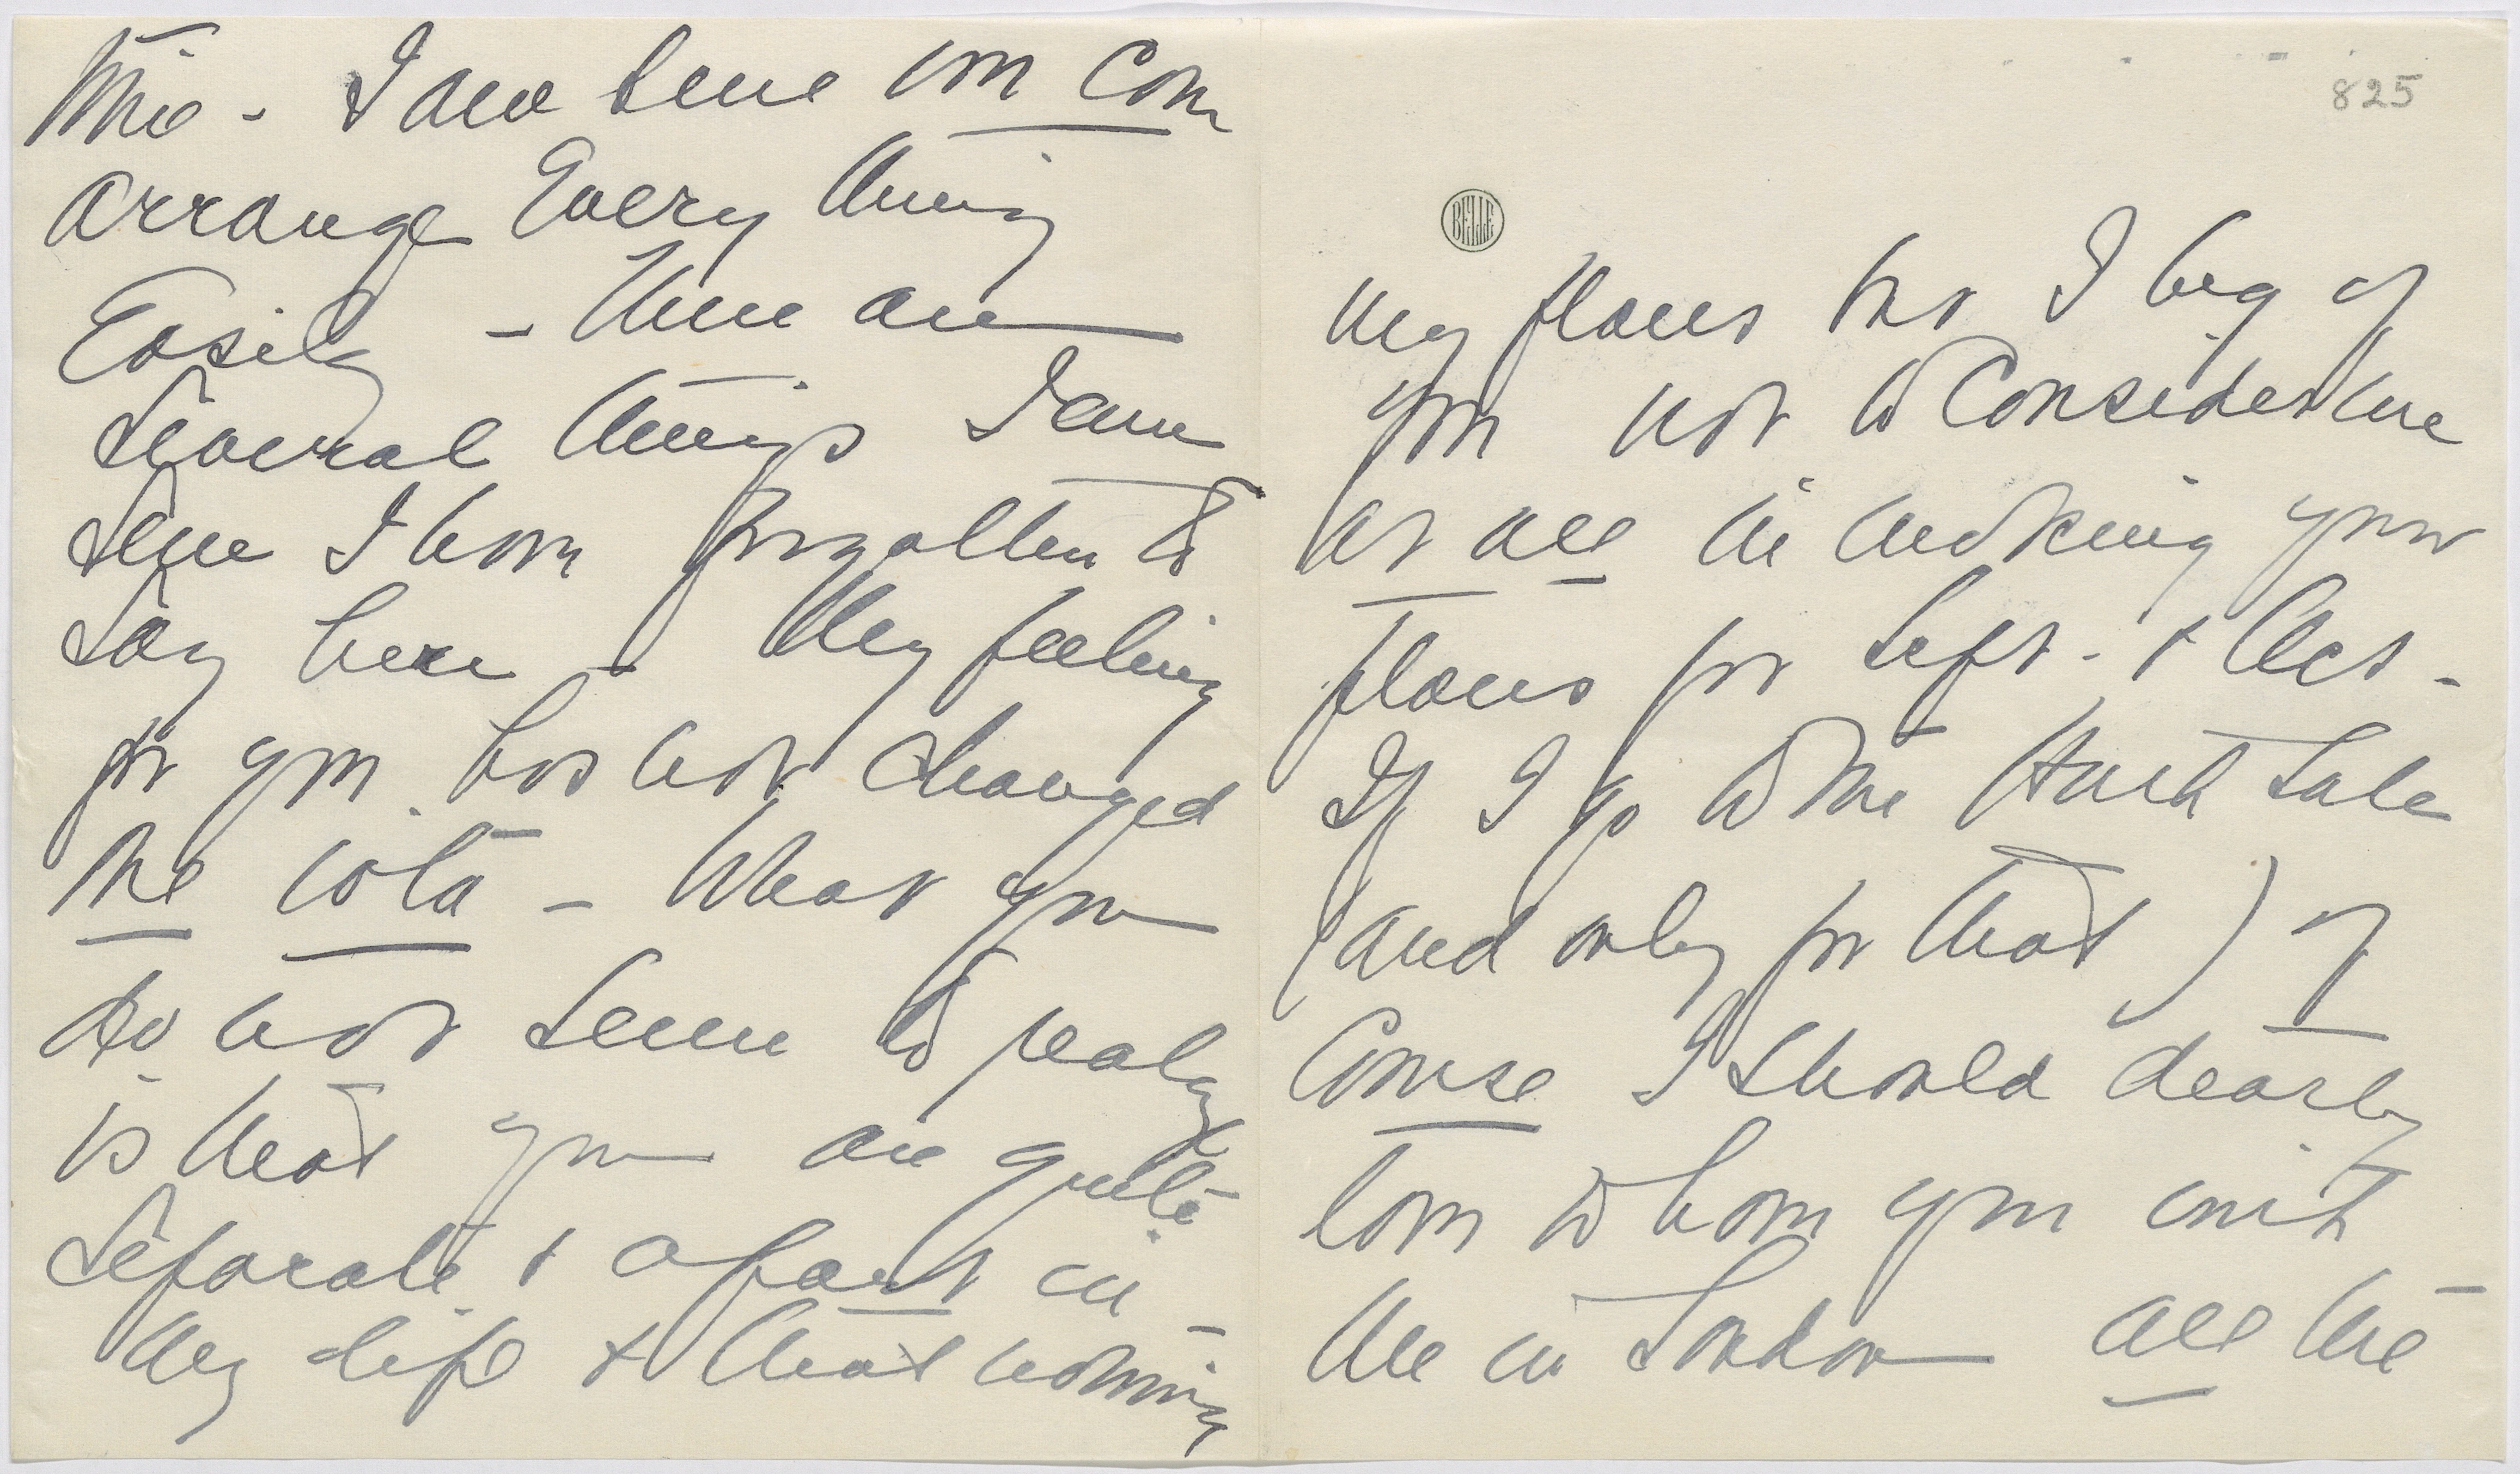my plans but I beg of you not to consider me at all in making your plans for Sept. & Oct – If I go to the Huth Sale (and only for that) of course I should dearly love to have you with me in London all the
time – I am sure we can arrange Every thing Easily – There are several things I am sure I have forgotten to say here – My feeling for you has not changed one iota – What you do not seem to realize is that you are quite separate & apart in my life & that nothing